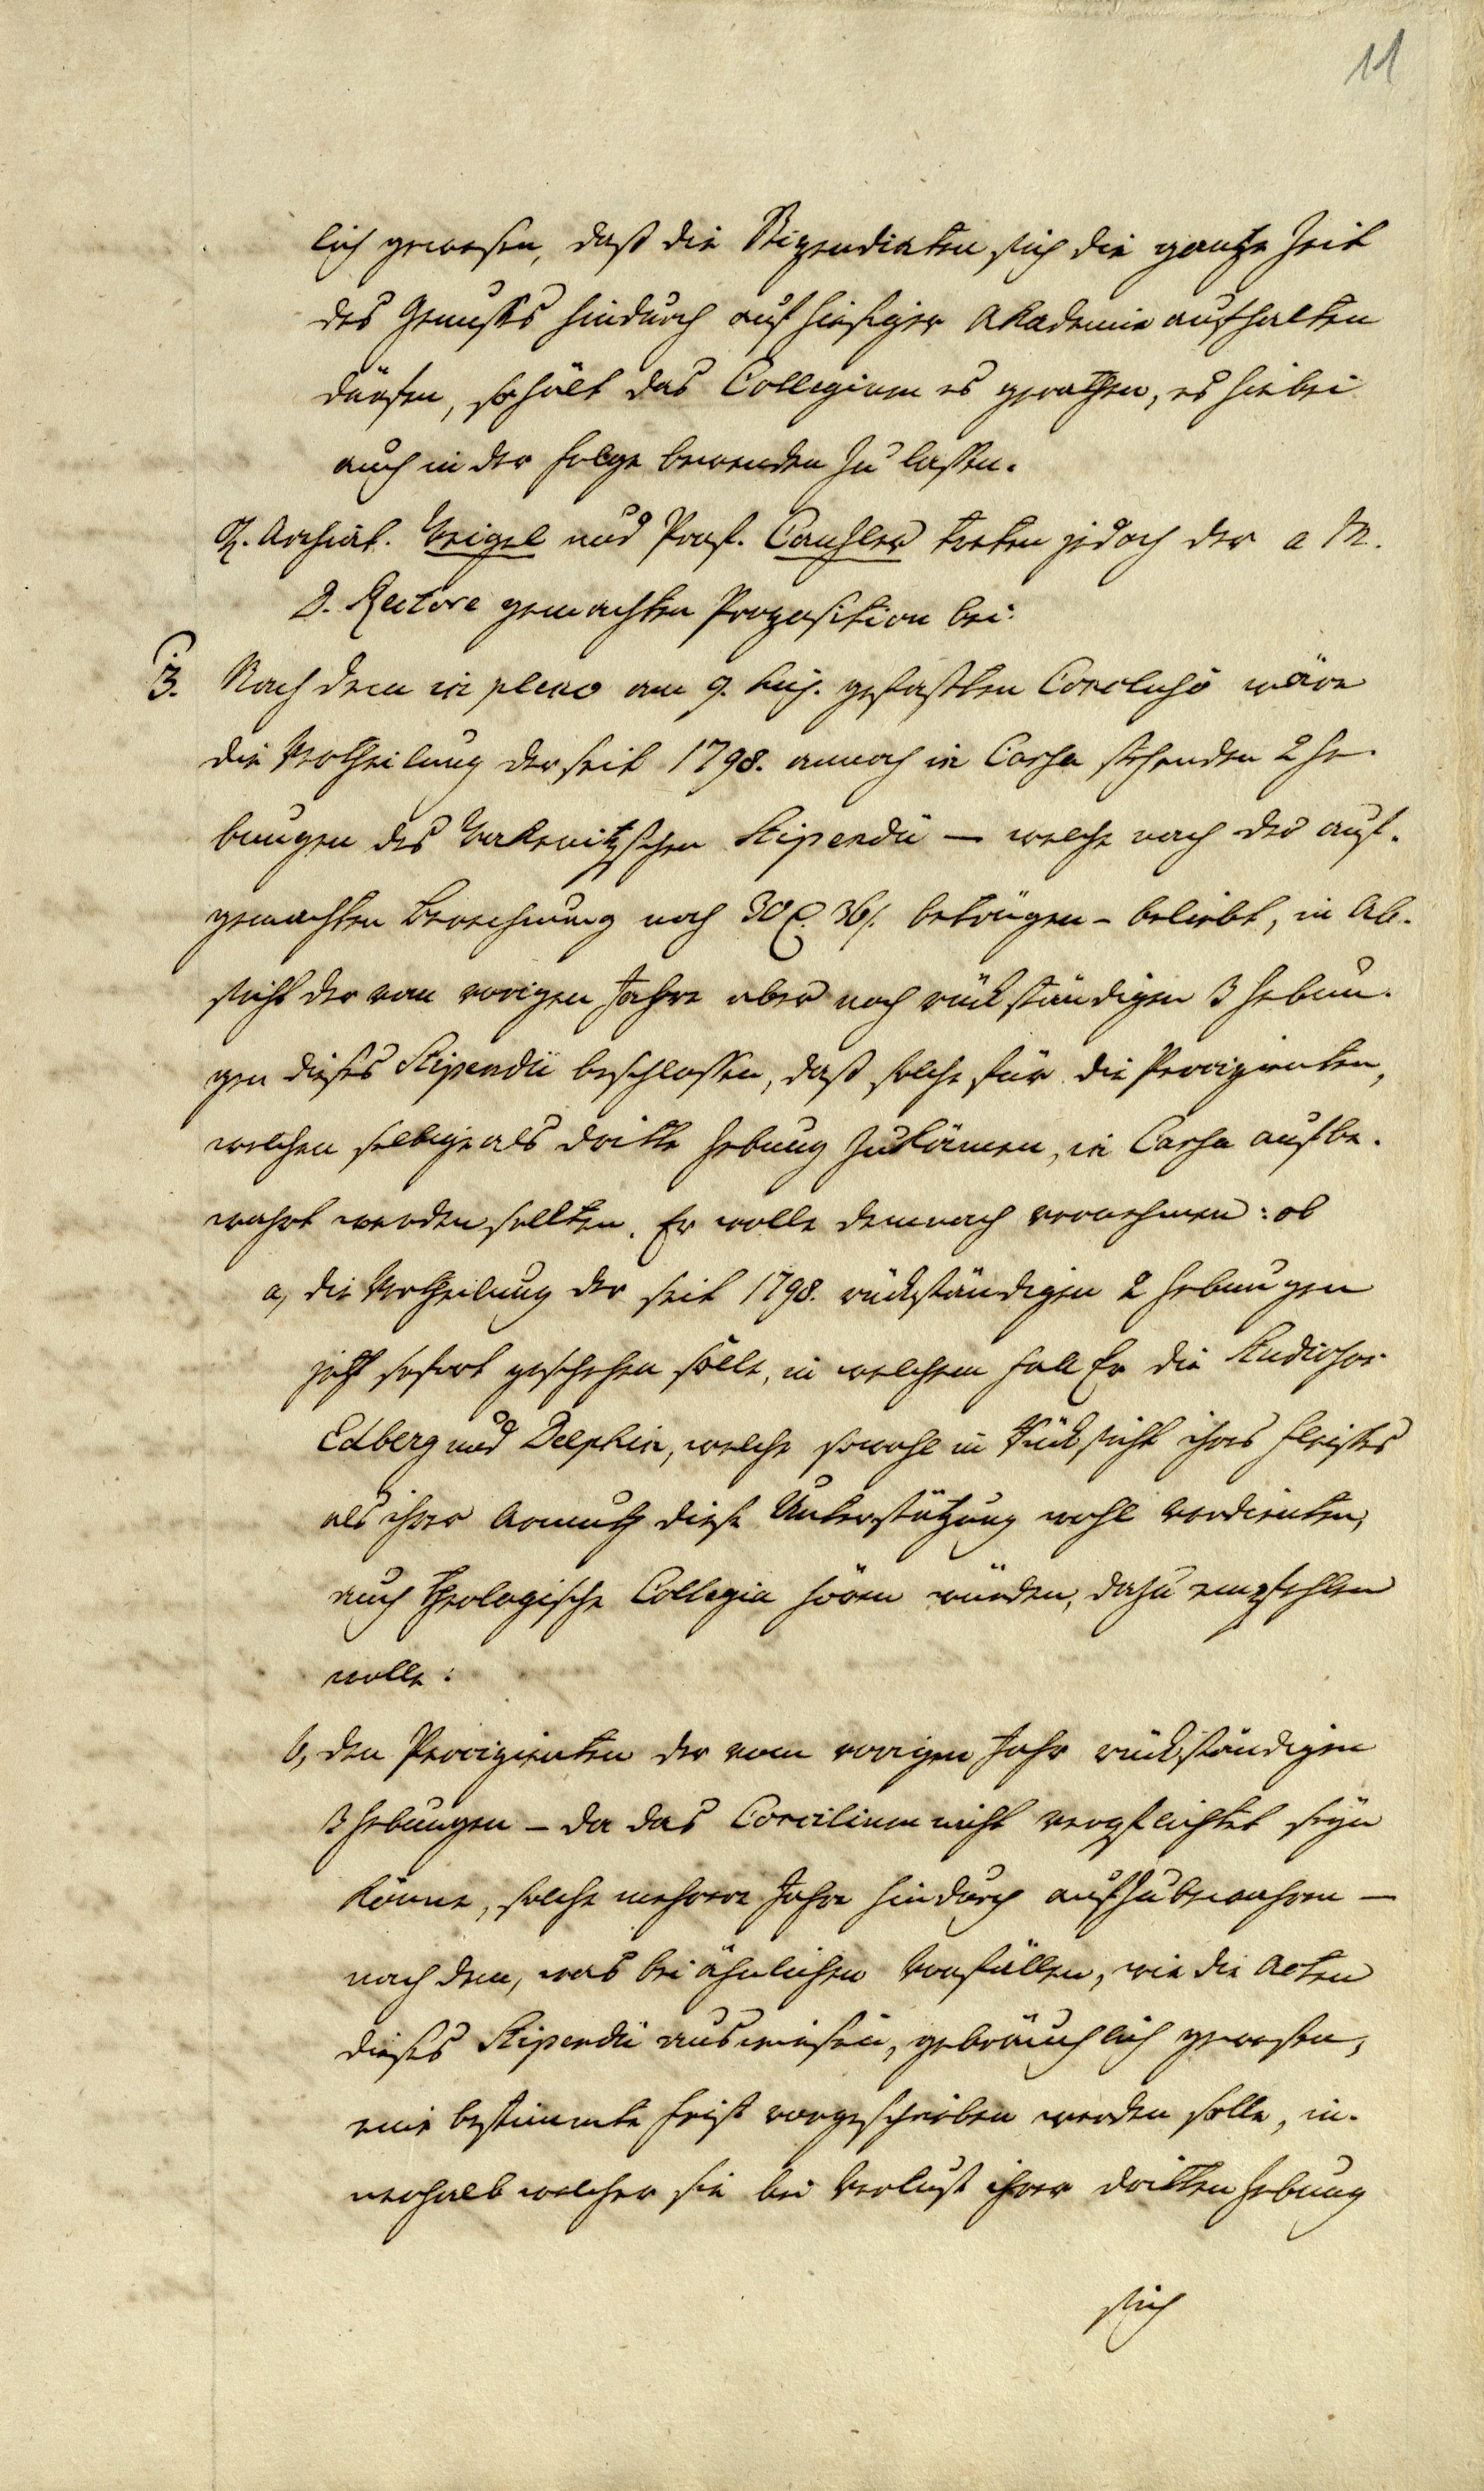lich gewesen, daß die Stipendiaten sich die gantze Zeit
des Genusses hindurch auf hiesiger Akademie aufhalten
dürfen, so hält das Collegium es gerathen, es hiebei
auch in der Folge bewenden zu lassen.
dh. Archiat. Weigel und Prof. Canzler treten jedoch der a M.
D. Rectore gemachten Proposition bei.
3. Nach dem in pleno am 9. huj. gefaßten Concluso wäre
die Vertheilung der seit 1798. annoch in Cassa stehenden 2 He¬
bungen des Wakenitzschen Stipendii welche nach der auf¬
gemachten Berechnung nach 30 l. 36 s. betrügen beliebt, in Ab¬
sicht der vom vorigen Jahre aber noch rückständigen 3 Hebun¬
gen dieses Stipendii beschlossen, daß solche für die Percipienten,
welchen selbige als dritte Hebung zukämen, in Cassa aufbe¬
wahrt werden sollten. Er wolle demnach vernehmen : ob
a, die Vertheilung der seit 1798. rückständigen 2 Hebungen
jetzt sofort geschehen solle, in welchem Fall Er die Studiosos
Edberg und Delphin, welche sowohl in Rücksicht ihres Fleisses
als ihrer Armuth diese Unterstützung wohl verdienten,
auch theologische Collegia hören würden, dazu empfehlen
wolle:
b, den Percipienten der vom vorigen Jahr rückständigen
3 Hebungen da das Concilium nicht verpflichtet seÿn
könne, solche mehrere Jahre hindurch aufzubewahren
nach dem, was bei ähnlichen Vorfällen, wie die Acten
dieses Stipendii auswiesen, gebräuchlich gewesen,
eine bestimmte Frist vorgeschrieben werden solle, in¬
nerhalb welcher sie bei Verlust ihrer dritten Hebung
sich